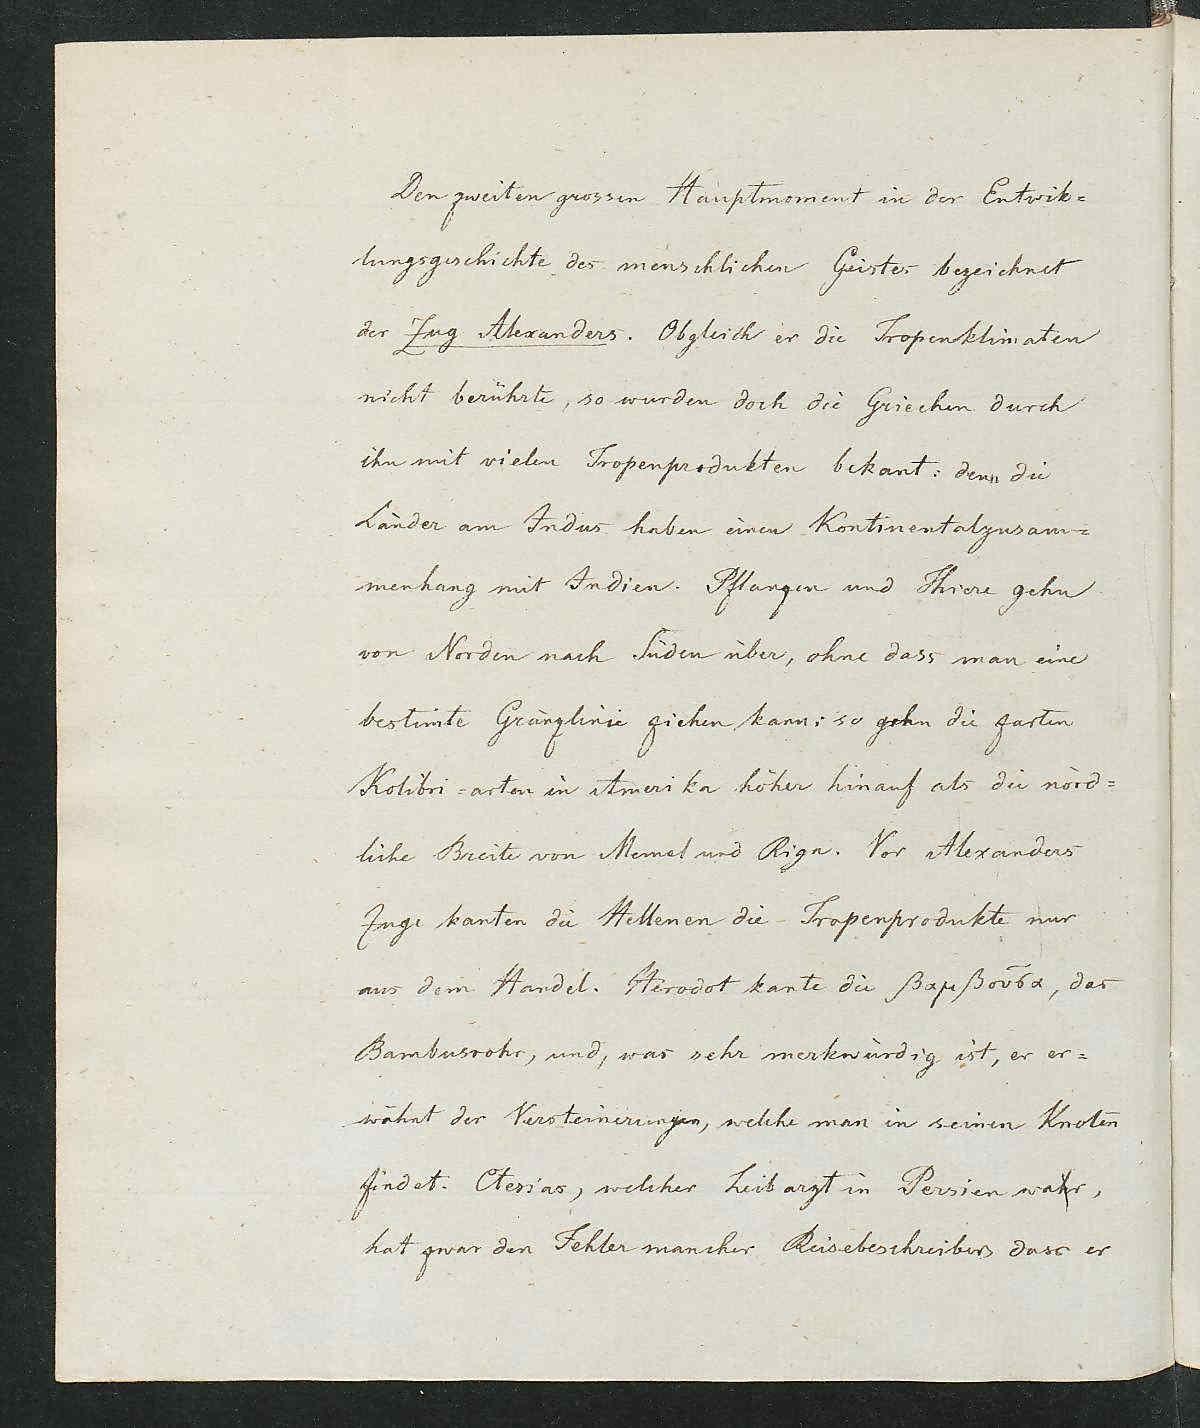Den zweiten grossen Hauptmoment in der Entwik-
lungsgeschichte des menschlichen Geistes bezeichnet
der Zug Alexanders. Obgleich er die Tropenklimaten
nicht berührte, so wurden doch die Griechen durch
ihn mit vielen Tropenprodukten bekant: denn die
Länder am Indus haben einen Kontinentalzusam-
menhang mit Indien. Pflanzen und Thiere gehn
von Norden nach Süden über, ohne dass man eine
bestimte Gränzlinie ziehen kann: so gehn die zarten
Kolibri-arten in Amerika höher hinauf als die nörd-
liche Breite von Memel und Riga. Vor Alexanders
Zuge kanten die Hellenen die Tropenprodukte nur
aus dem Handel. Herodot kante die βαμβοῦδα, das
Bambusrohr, und, was sehr merkwürdig ist, er er-
wähnt der Versteinerungen, welche man in seinen Knoten
findet. Ctesias, welcher Leibarzt in Persien wahr,
hat zwar den Fehler mancher Reisebeschreiber, dass er